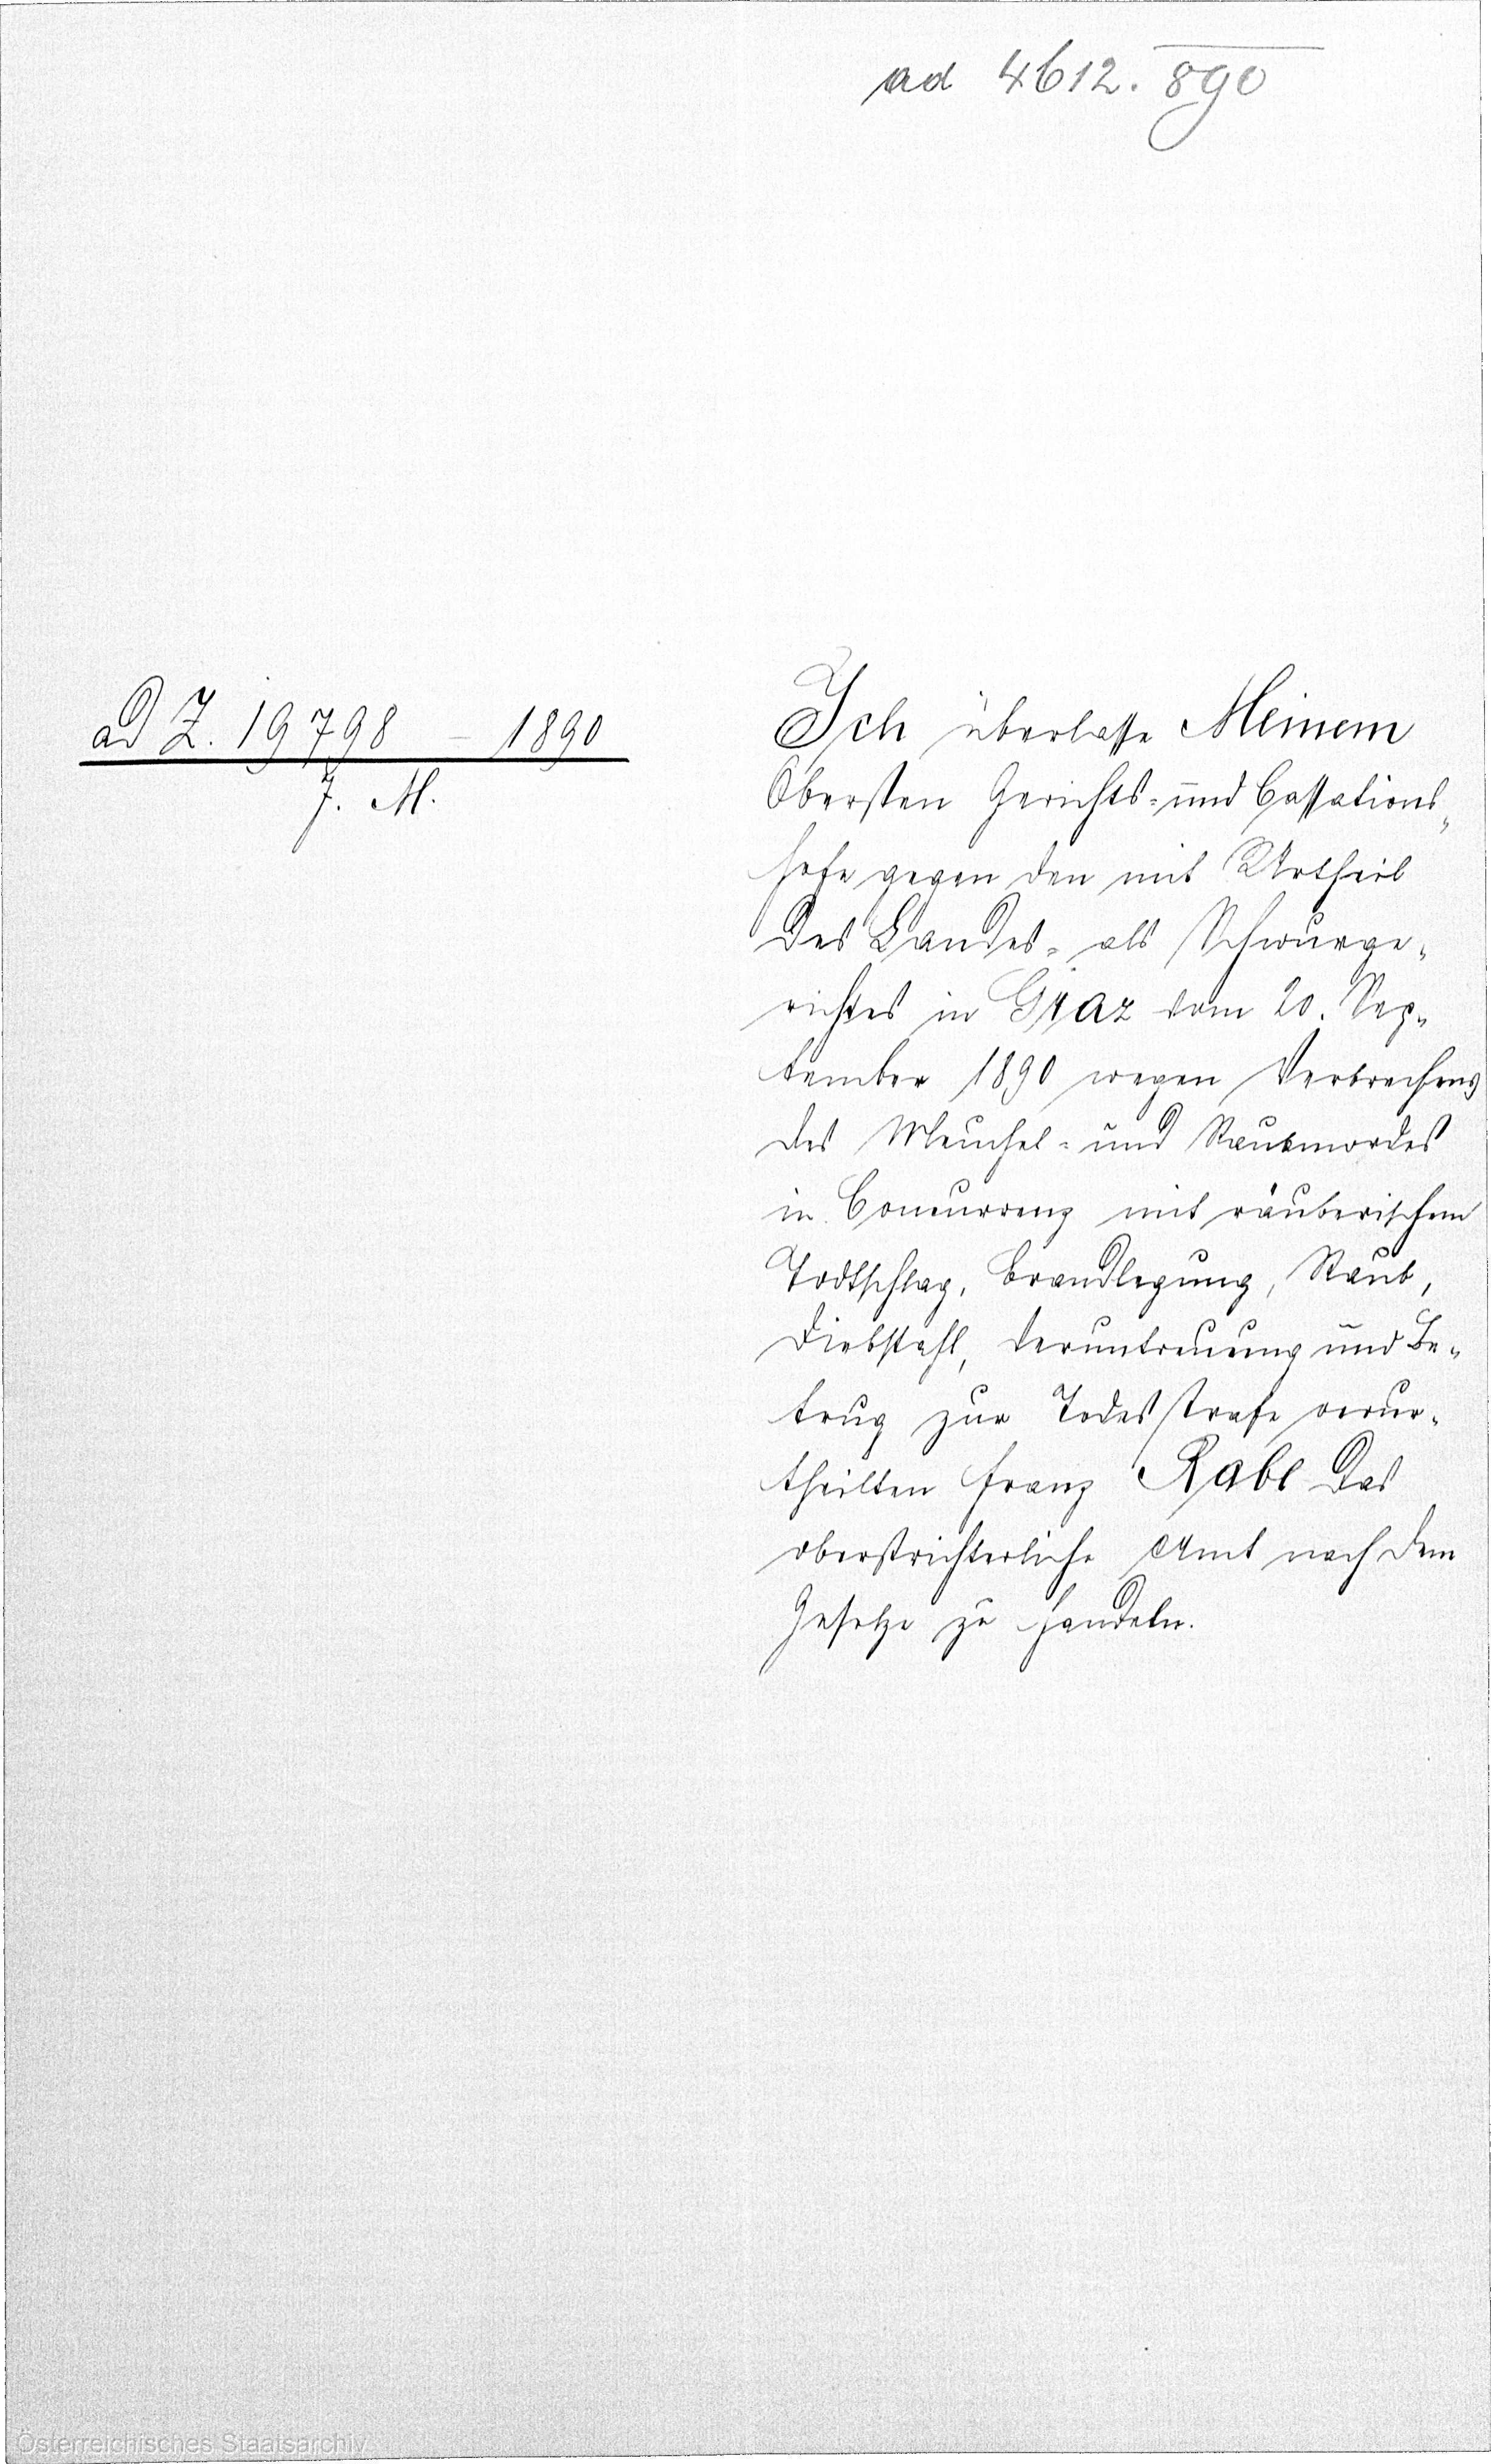ad 4612. 890
ad Z. 19798 - 1890
Jch überlasse Meinem
Ich überbese Meinem
Obersten Gerichts- und Cassations¬
fehr gegen den mit Urtheil
Des Landes- als Schwurge¬
richtes in Granz vom 20. Sep¬
tember 1890 wegen Verbrechens
des Meuchel- und Raubmordes
in Concurrenz mit räuberischem
Todtschlag, Brandlegung, Raub,
Diebstahl, Deruntreuung und Be¬
trug zur Todesstrafe verur¬
theilten Franz Rabl das
oberstrichterliche Amt nach dem
Gesetze zu handeln.